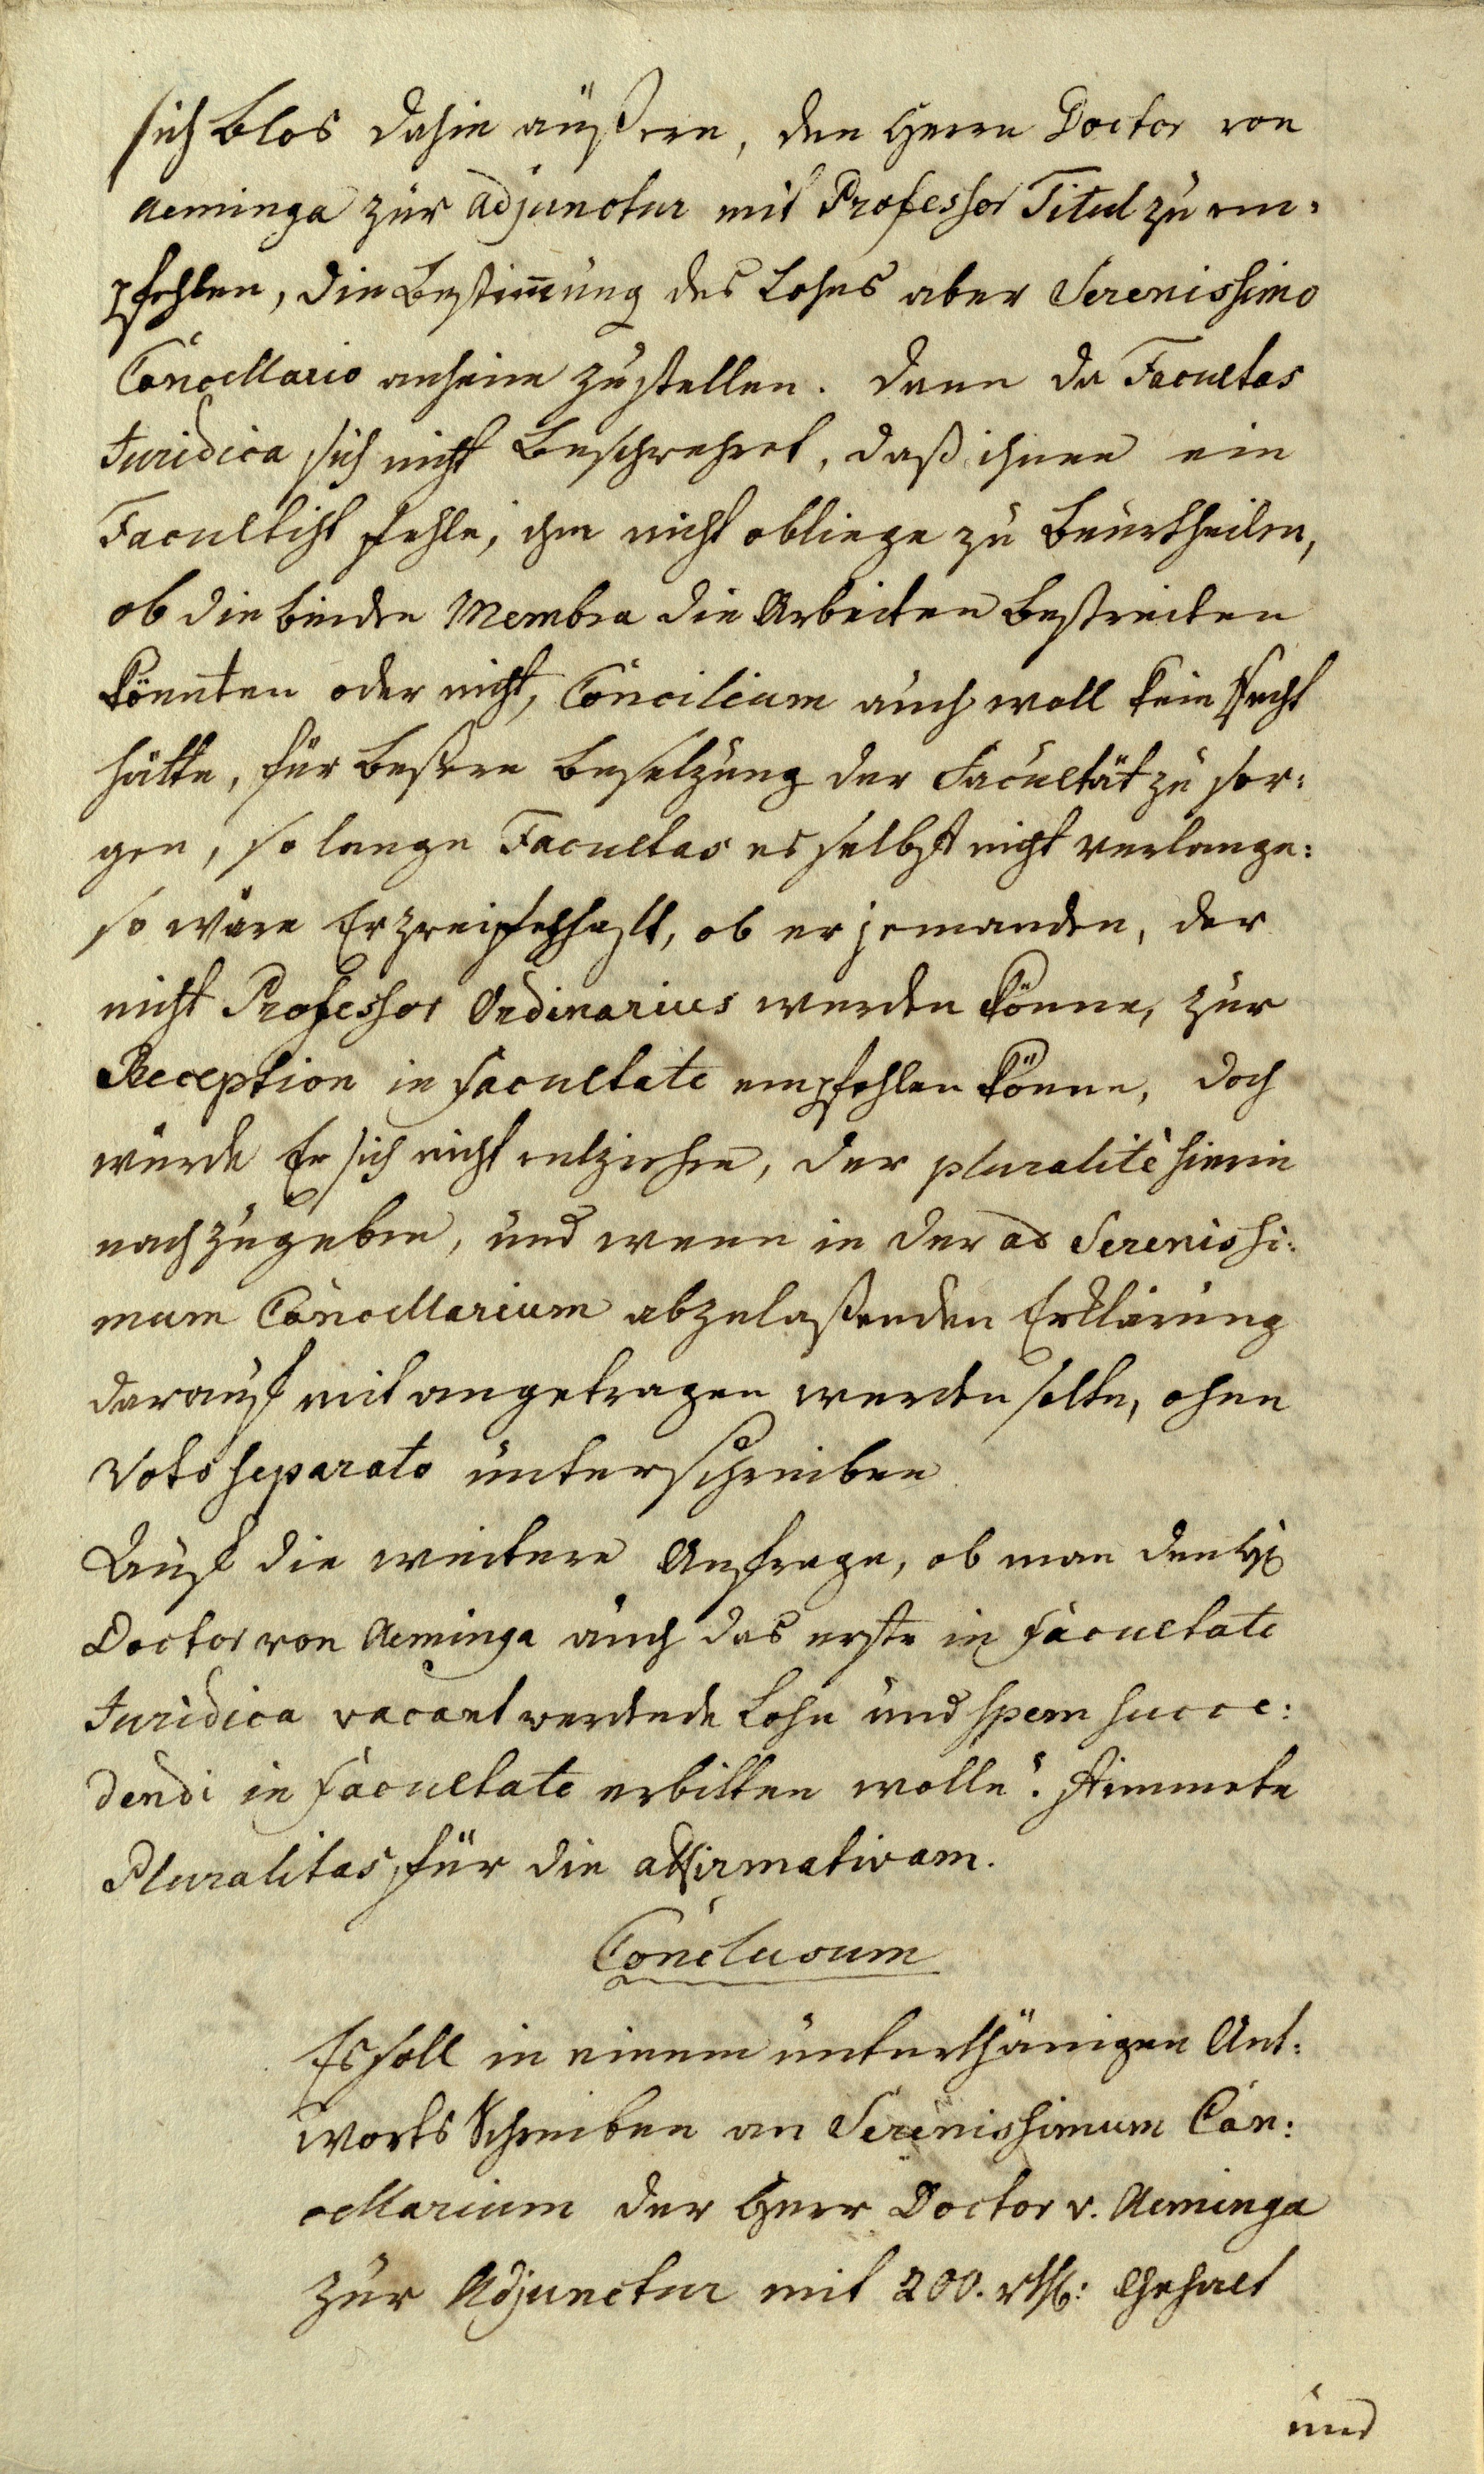sich blos dahin äußern, den Herrn Doctor von
Aeminga zur Adjunctur mit Professor Titul zu em¬
pfehlen, die Bestimung des Lohns aber Serenissimo
Cancellario anheim zu stellen. Denn da Facultas
Juridica sich nicht beschwehret, daß ihnen ein
Facultist fehle, ihm nicht obliege zu beurtheilen,
ob die beiden Membra die Arbeiten bestreiten
könnten oder nicht, Concilium auch wol kein Recht
hätte, für beßere Besetzung der Facultät zu sor¬
gen, so lange Facultas es selbst nicht verlange,
so wäre Er zweifelhaft, ob er jemanden, der
nicht Professor, Ordinarius werdenkönne, zur
Reception in Facultate empfehlen könne, doch
würde Er sich nicht entziehen, der pluralite hierin
nach zugeben, und wenn in der ad Serenissi¬
mum Cancellarium abzulaßenden Erklärung
darauf mit angetragen werden solte, ohne
Voto separato unterschreiben.
Auf die weitere Anfrage, ob man dem H
Doctor von Aeminga auch das erste in Facultate
Juridica vacant werdendeLohn und Spem succe¬
dendi in Facultate erbitten wolle? stimmte
Pluralitas für die assirmativam.
Conclusum
Es soll in einem unterthänigen Ant¬
worts Schreiben an Serenissimum Can¬
cellarium der Herr Doctor v. Aeminga
zur Adjunctur mit 200 rtl. Gehalt
und